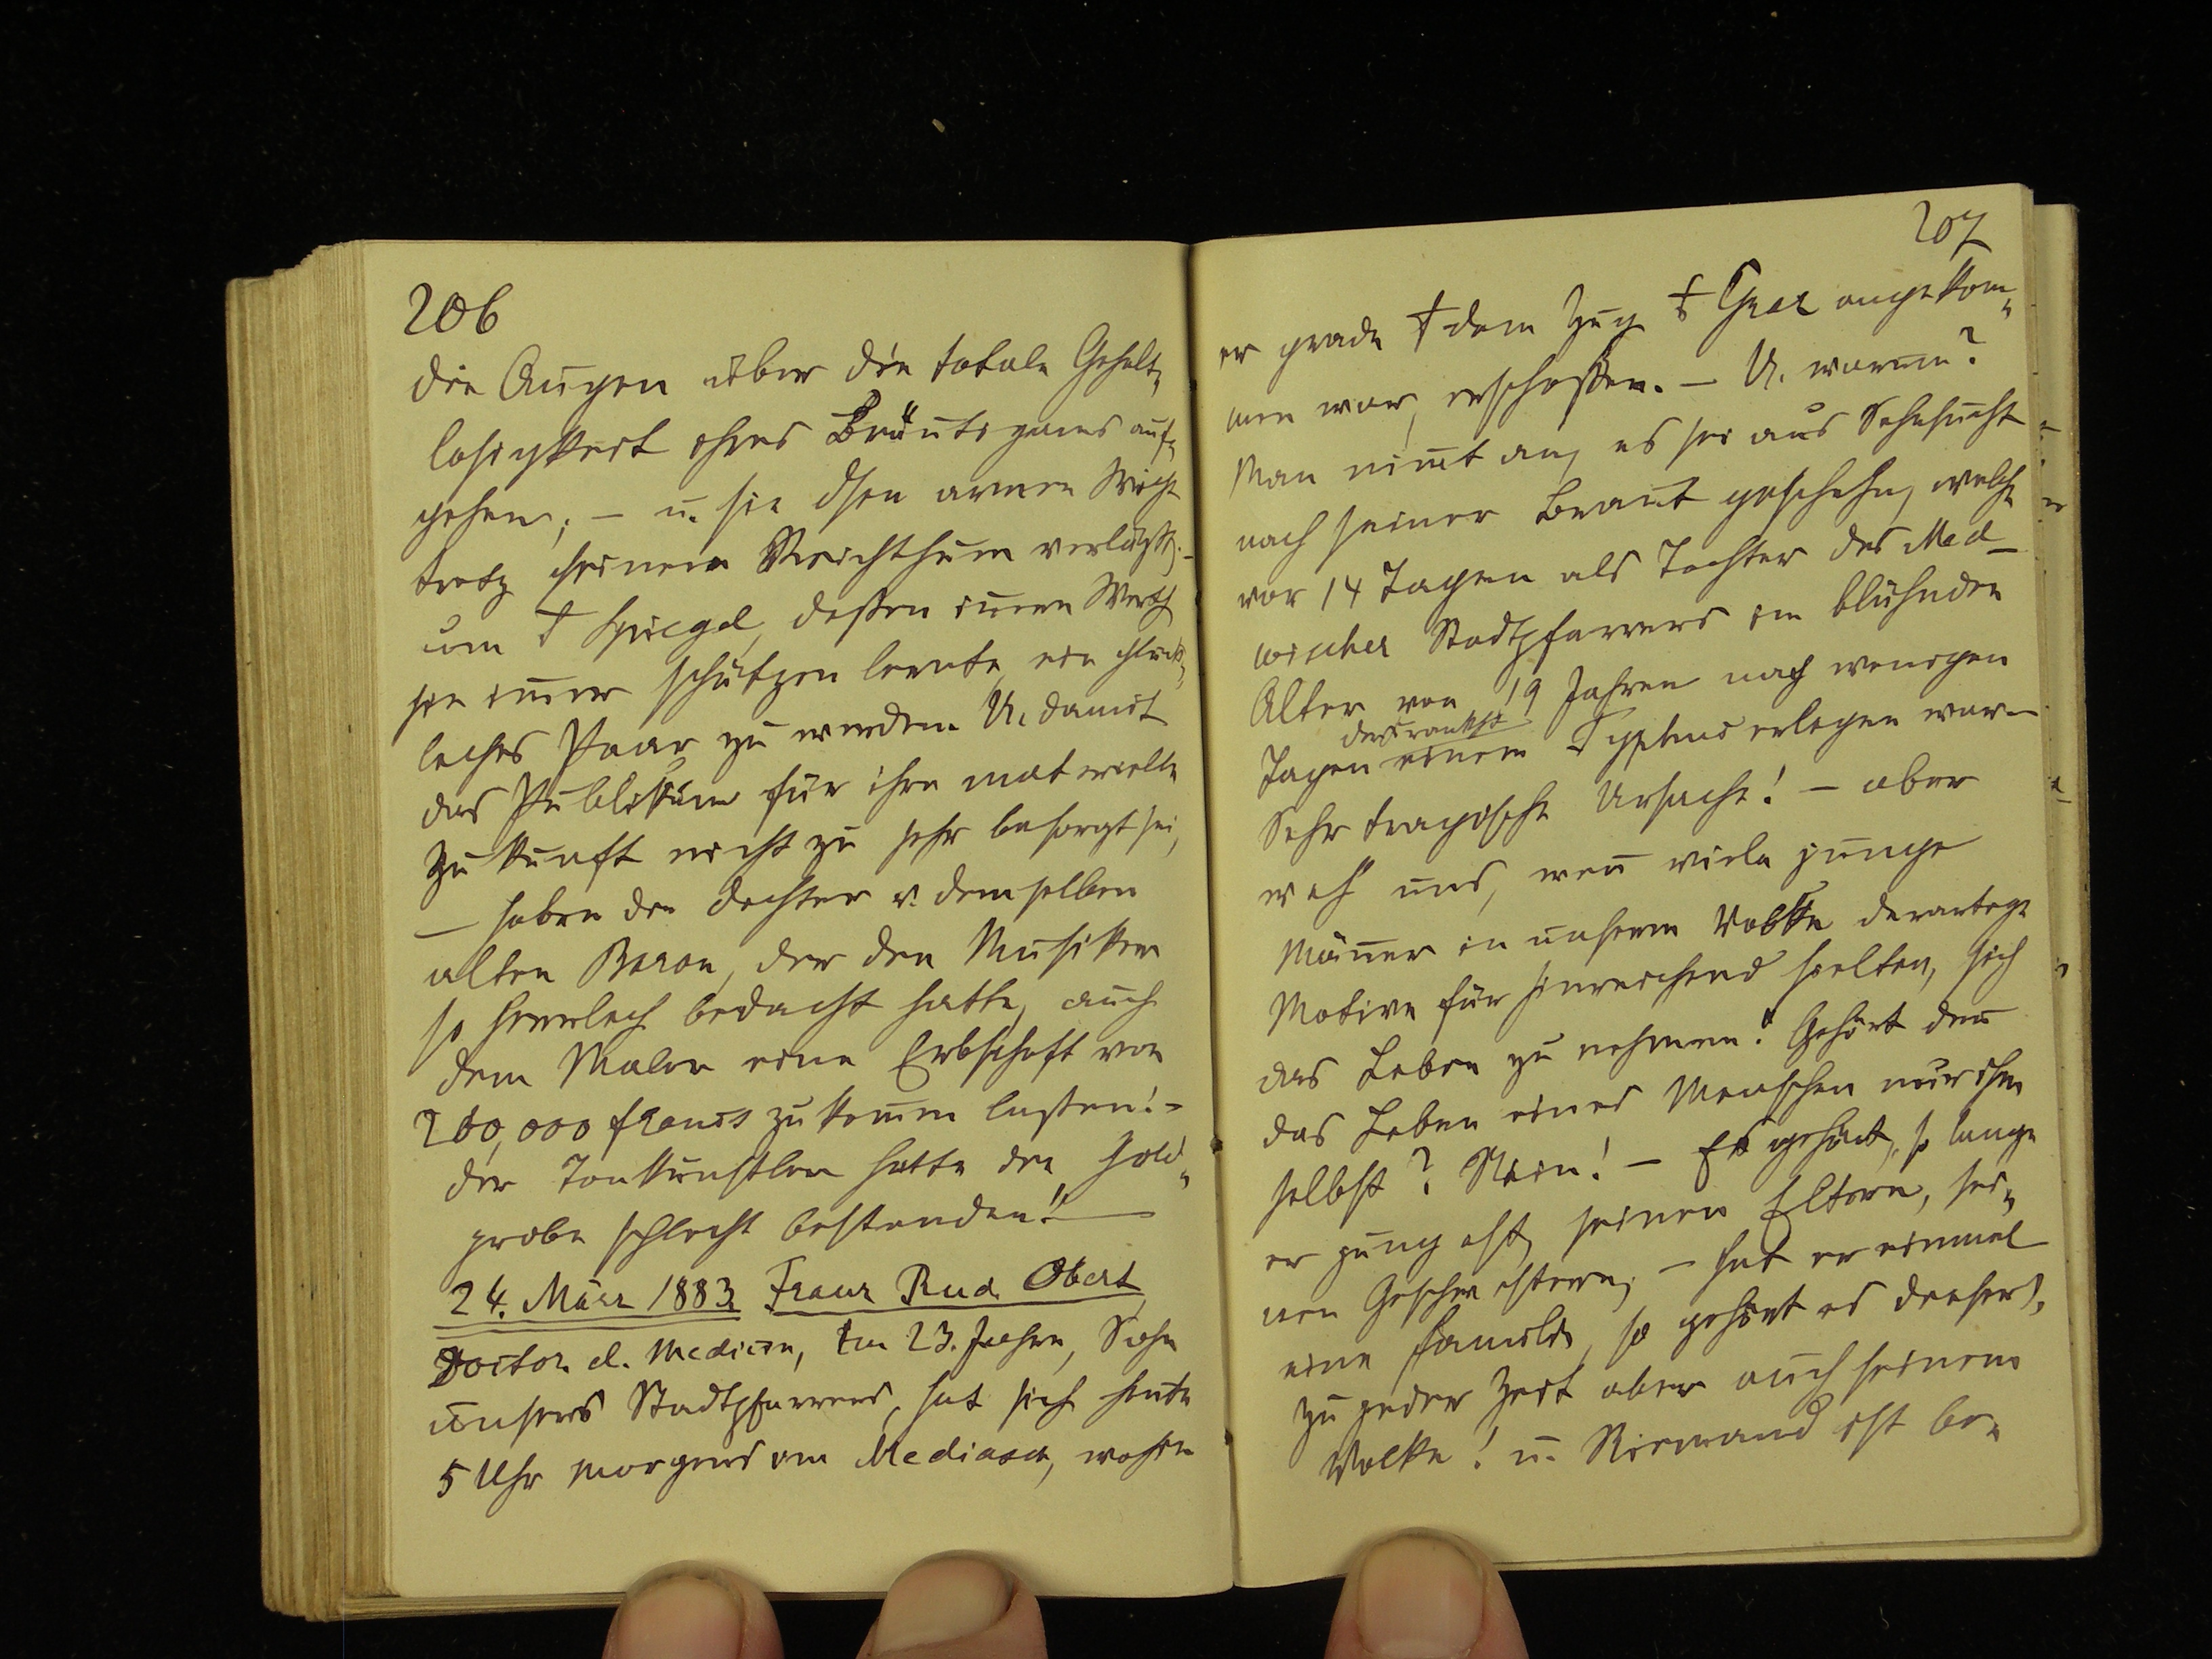206
die Augen über die totale Gefühl¬
losigkeit ihres Bräutigams auf¬
gehen;-- und sie diesen armen Wicht
trotz seinem Reichtum verläßt
um mit Spiegel deßen inneren Werth
sie immer schätzen lernte, ein glück¬
liches Paar zu werden. Und damit
das Publikum für ihre materielle
Zukunft nicht zu sehr besorgt sei
– haben die Dichter von demselben
alten Baron, der den Musiker
so herrlich bedacht hatte, auch
dem Maler eine Erbschaft von
200,000 Fl. zukommen laßen ! –
der Tonkünstler hatte die Gold¬
probe schlecht bestanden. ! -
24. März 1883. Franz Rud. Obert,
Doctor der Medicin, im 23. Jahre, Sohn
unseres Stadtpfarrers, hat sich heute
5 Uhr morgens in Mediasch, wohin
207
er gerade mit dem Zug aus Graz angekom¬
men war, erschossen.- Und warum ?
man nimmt an, es sei aus Sehnsucht
nach seiner Braut geschehen, welche
vor 14 Tagen als Tochter des Med¬
iascher Stadtpfarrers im
Alter von 19 Jahren nach wenigen
der Krankheit
Tagen einem Typhus erlegen war.—
Sehr tragische Ursache!- Aber
weh uns , wenn viele junge
Männer in unserer Welt derartige
Motive für hinreichend hielten, sich
das Leben zu nehmen! Gehört den
das Leben eines Menschen nur ihm
selbst ? Nein!- Es gehört so lange
er jung ist seinen Eltern, sei¬
nen Geschwistern.- Hat er einmal
eine Familie so gehört es dieser.
Zu jeder Zeit aber auch seinem
Volke! Und Niemand ist be